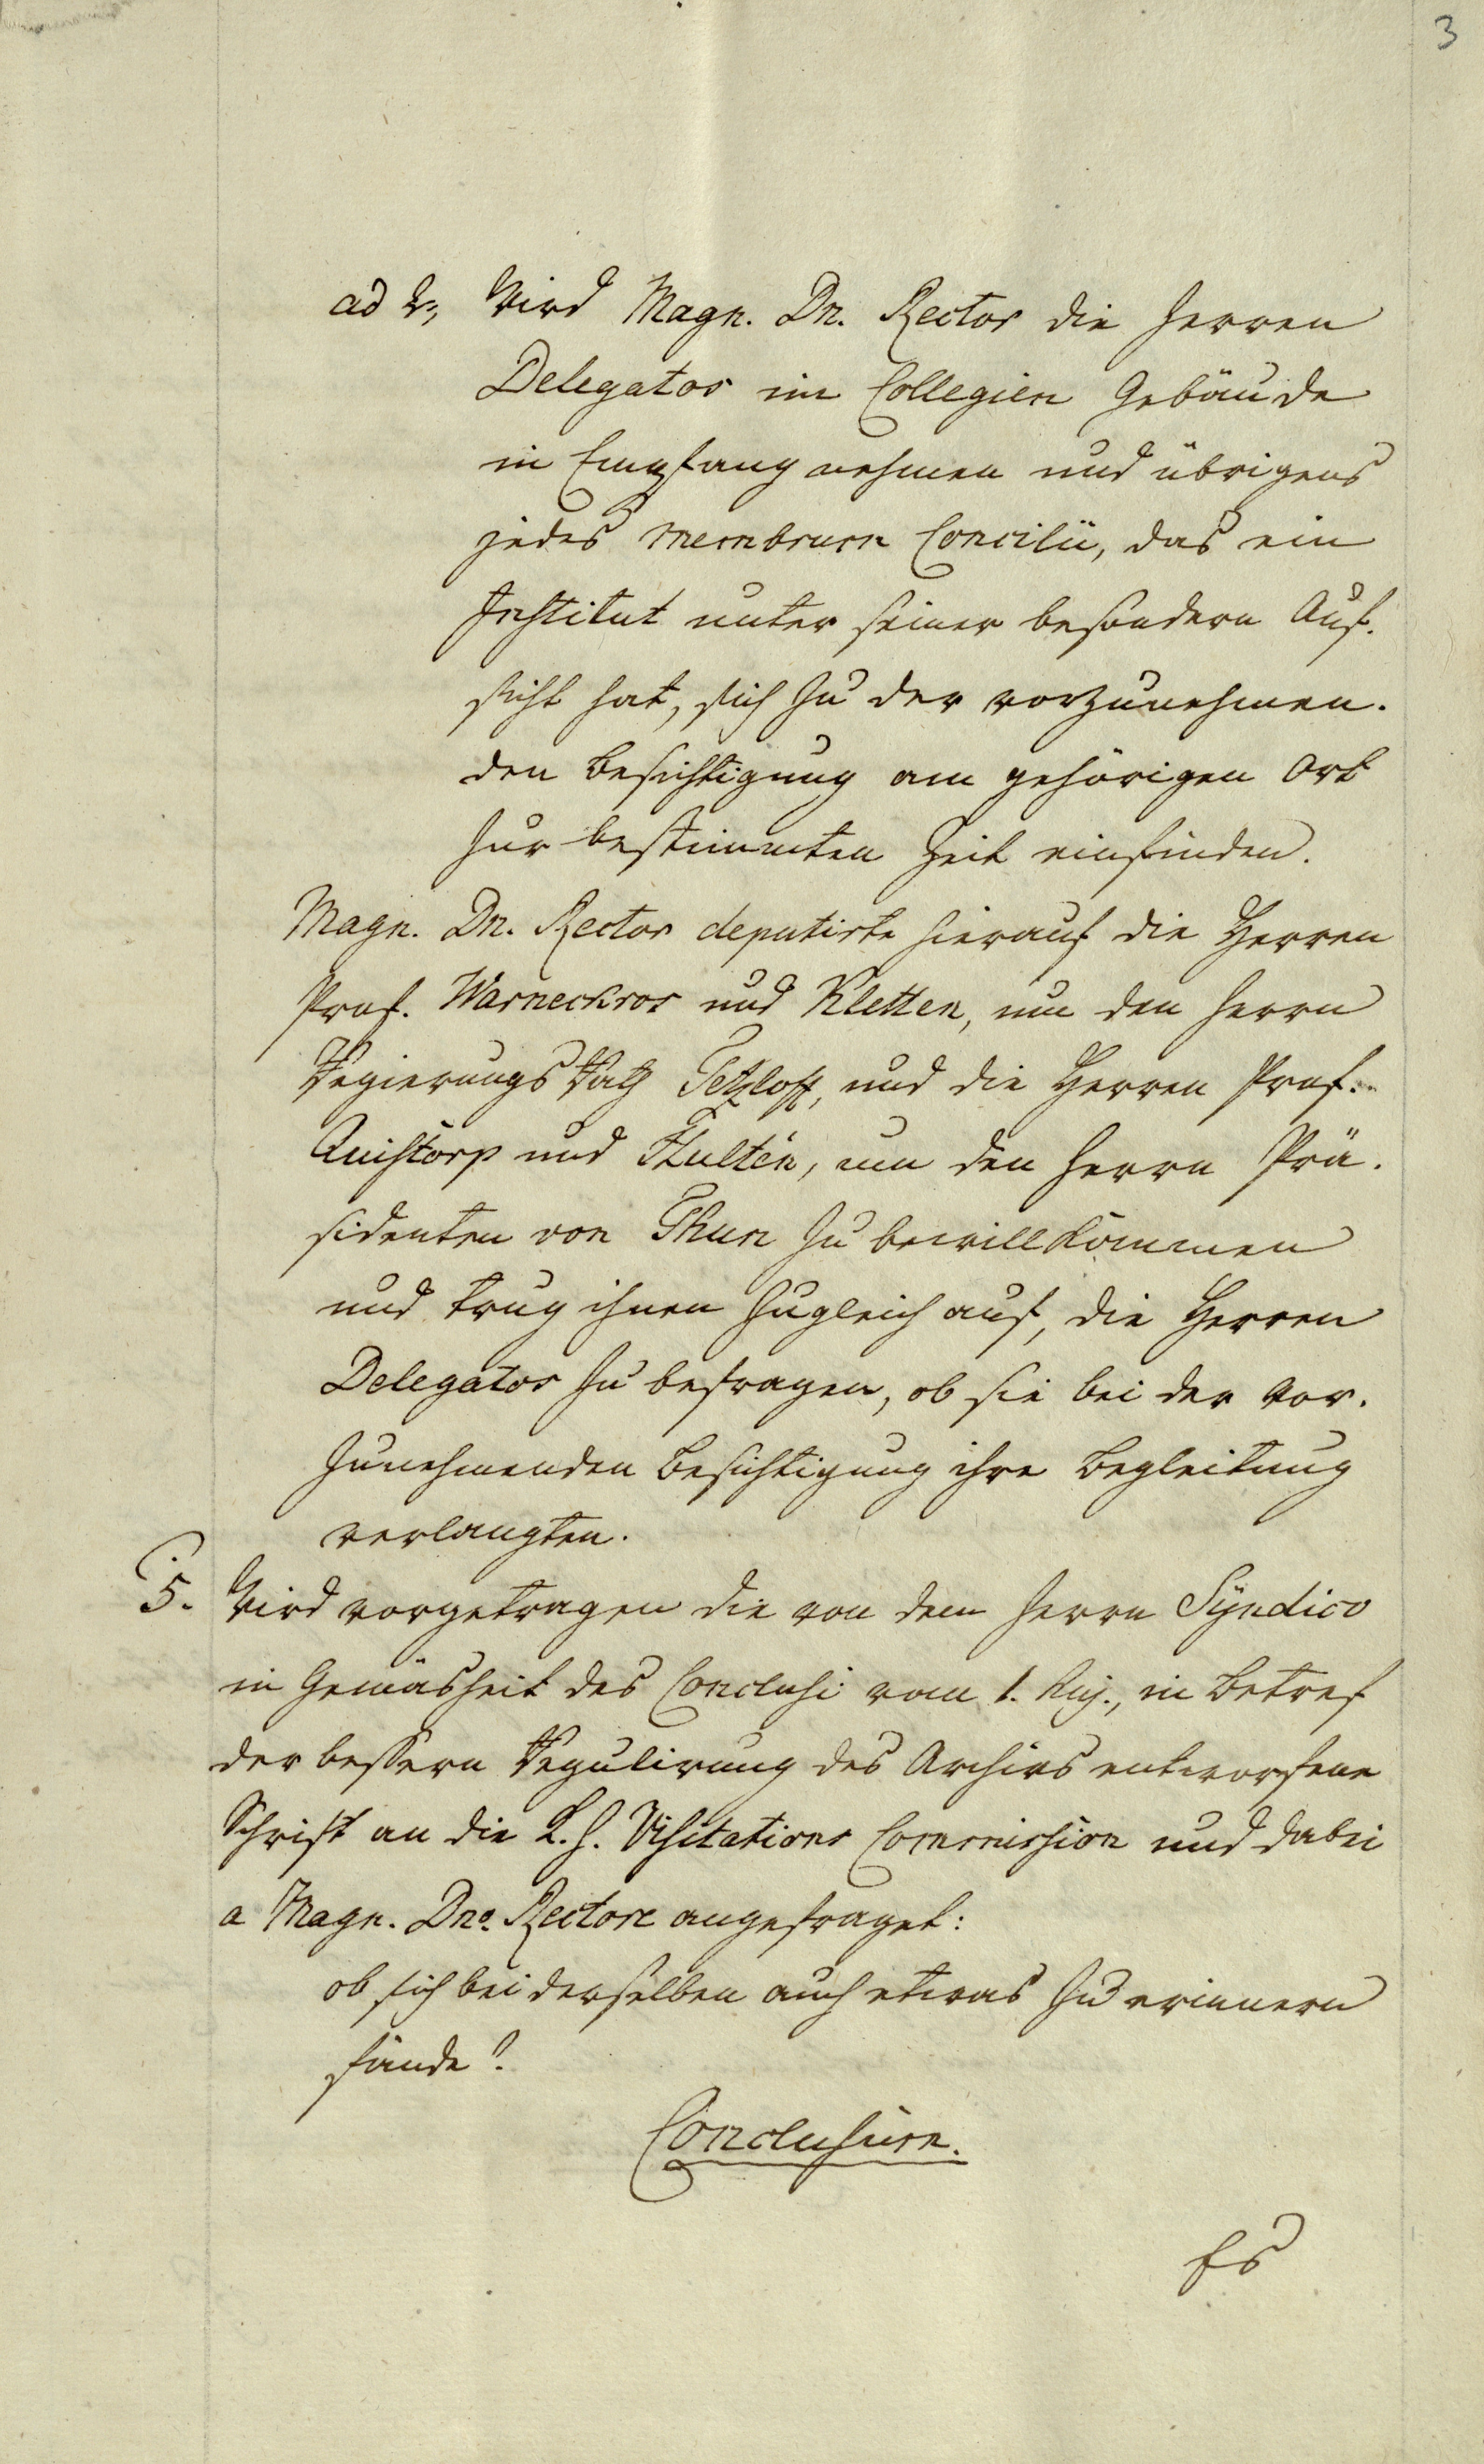ad 2., Wird Magn. Dn. Rector die Herren
Delegatos im Collegien Gebäude
in Empfang nehmen und übrigens
jedes Membrum Concilii, das ein
Institut unter seiner besondern Auf¬
sicht hat, sich zu der vorzunehmen¬
den Besichtigung am gehörigen Ort
zur bestimmten Zeit einfinden.
Magn. Dn. Rector deputirte hierauf die Herren
Prof. Warneckros und Kletten, um den Herrn
Regierungs Rath Tetzloff, und die Herren Prof.
Quistorp und Hulten, um den Herrn Prä¬
sidenten von Thun zu bewillkommen
und trug ihnen zugleich auf, die Herren
Delegatos zu befragen, ob sie bei der vor¬
zunehmenden Besichtigung ihre Begleitung
verlangten.
5. Wird vorgetragen die von dem Herrn Sÿndico
in Gemäsheit des Conclusi vom 1. huj., in Betref
der bessern Regulirung des Archivs entworfene
Schrift an die K. H. Visitations Commission und dabei
a Magn. Dno Rectore angefraget:
ob sich bei derselben auch etwas zu erinnern
finde?
Conclusum.
Es